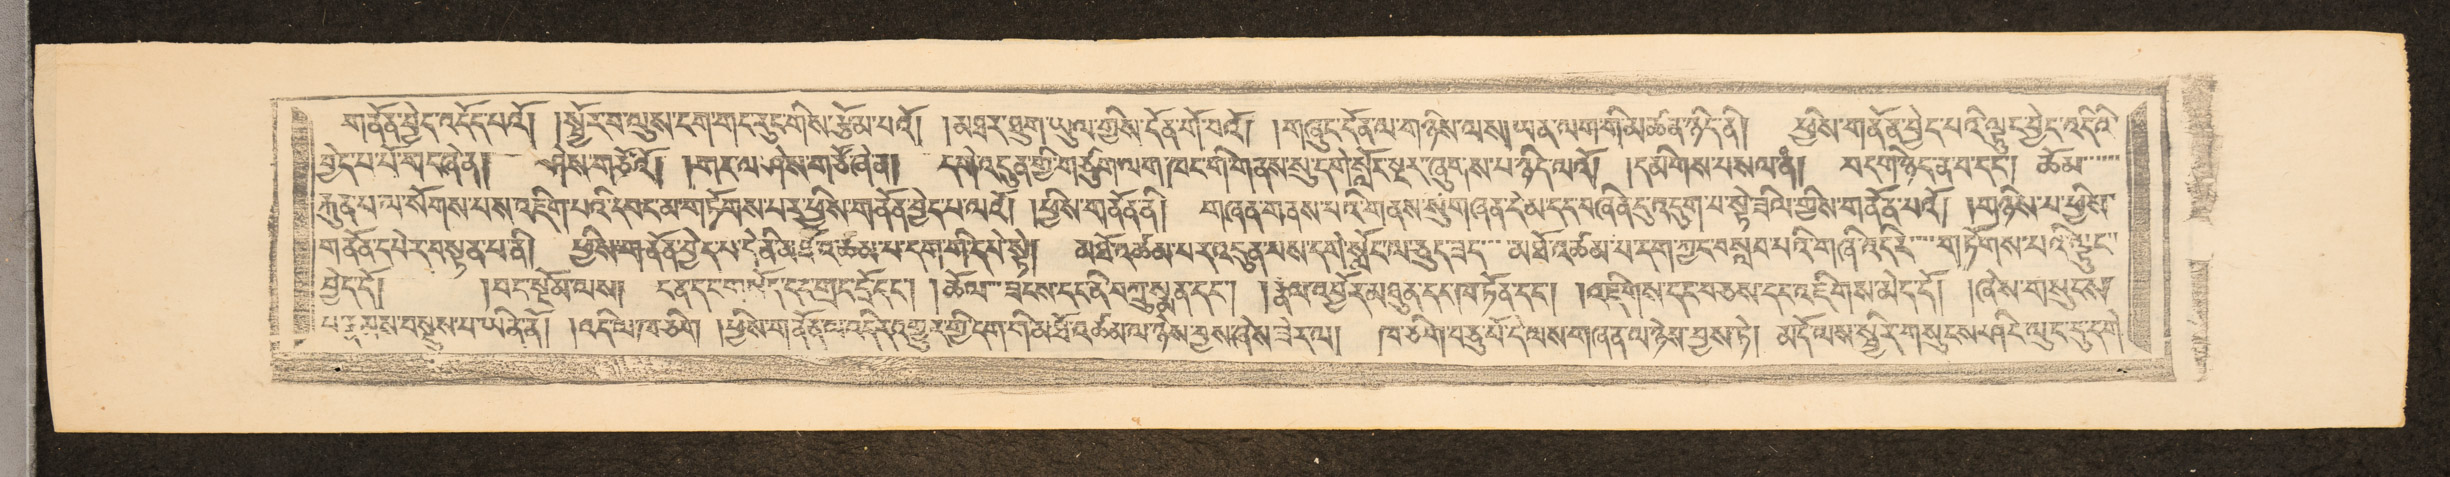གནོན་བྱེད་འདོད་པའོ། །སྦྱོར་བ་ལུས་ངག་གང་རུང་གིས་རྩོམ་པའོ། །མཐར་ཐུག་ཡུལ་གྱིས་དོན་གོ་བའོ། །གཞུང་དོན་ལ་གཉིས་ལས། ཡན་ལག་གི་མཚན་ཉིད་ནི། ཕྱིས་གནོན་བྱེད་པའི་ལྟུང་བྱེད་འདིའི་
བྱེད་པ་པོ་གང་ཞེ་ན། ཤེས་གཙོའོ། །གང་ལ་ཤེས་གཙོ་ཞེ་ན། དགེ་འདུན་གྱི་གཙུག་ལག་ཁང་གི་གནས་སུ་དགེ་སློང་སྔར་ཞུགས་པ་ཉིད་ལའོ། །དམིགས་བསལ་ནི། བདག་ཉིད་ན་བ་དང་། ཆོམ་
རྐུན་པ་ལ་སོགས་པས་འཇིག་པའི་དབང་མ་གཏོགས་པར་ཕྱིས་གནོན་བྱེད་པ་ལའོ། །ཕྱིས་གནོན་ནི། གཞན་གནས་པའི་གནས་སུ་གཞན་དེ་མ་དད་བཞིན་དུ་འདུག་པ་སྟེ་ཟིལ་གྱིས་གནོན་པའོ། །གཉིས་པ་ཕྱིས་
གནོན་དཔེར་བསྟན་པ་ནི། ཕྱིས་གནོན་བྱེད་པ་དེ་ནི་མཐོ་འཚམ་པ་དག་གི་དཔེ་སྟེ། མཐོ་འཚམ་པར་འདུན་པས་དགེ་སློང་ལ་ཅུང་ཟད་མཐོ་འཚམ་པ་དག་ཀྱང་བསླབ་པའི་གཞི་འདིར་གཏོགས་པའི་ལྟུང་
བྱེད་དོ། །བར་སྔོམ་ལས། ངན་དང་གསོད་དང་གྲང་དྲོ་དང་། །ཆོལ་ཟངས་དང་ནི་བཀྲུ་སྨན་དང་། །རྣལ་འབྱོར་མཐུན་དང་ཁ་ཏོན་དང་། །འཇིགས་དང་བཅས་དང་འཇིགས་མེད་དོ། །ཞེས་གསུངས་
པ་རྣམས་བསྡུས་པ་ཡིན་ནོ། །འདི་ལ་ཁ་ཅིག །ཕྱིས་གནོན་ལ་འདིར་འགྱུར་གྱི་ངག་གི་མཐོ་འཚམ་ལ་ཉེས་བྱས་ཞེས་ཟེར་ལ། ཁ་ཅིག་བཅུ་པོ་དེ་ལས་གཞན་ལ་ཉེས་བྱས་ཏེ། མདོ་ལས་སྦྱིར་གསུངས་ཤིང་ལུང་དུ་དགེ་